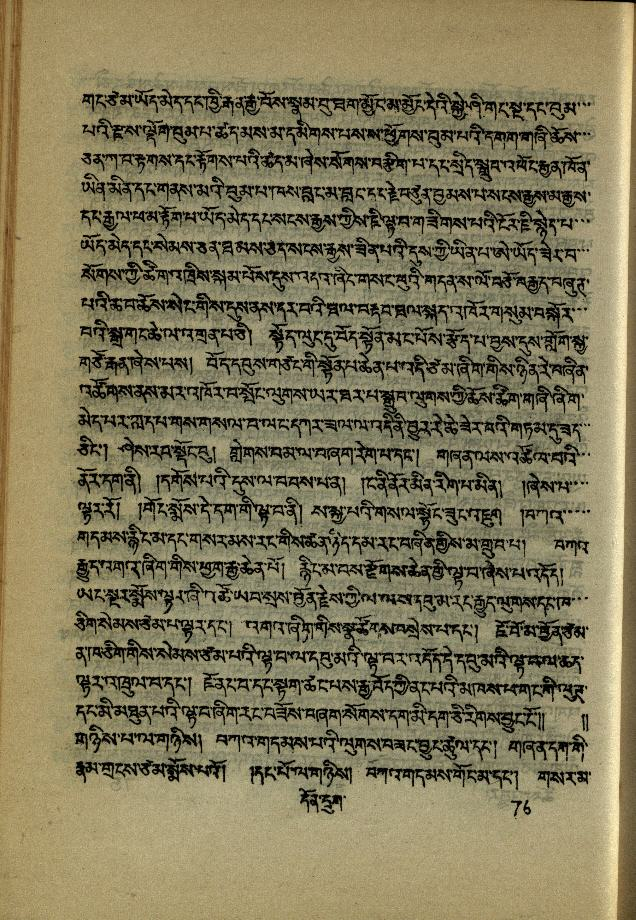གང་ཙམ་ཡོད་མེད་དང་ཁྱི་རྒན་རྒྱ་བོས་སྣམ་བུ་ཐག་མྱོང་མ་མྱོང་དེའི་སྐྱེ་ཤི་གང་སྔ་དང་བུམ་
པའི་རྫས་ལྡོག་བུམ་པ་ཚད་མས་མ་དམིགས་པས་ས་ཕྱོགས་བུམ་པའི་དགག་གཞི་ཆོས་
ཅན་ཀ་བ་རྟགས་དང་རྟོགས་པའི་ཚད་མ་ཞེས་སོགས་བརྩིག་པ་དང་སྲིད་སྒྲུབ་འཕོང་རྒྱན་ཁོ་ན་
ཡིན་མིན་དང་གནས་མའི་བུམ་པ་ཁས་བླང་མ་བླང་དང་རྗེ་བཙུན་བྱམས་པ་སངས་རྒྱས་མ་རྒྱས་
དང་རྒྱལ་ཕམ་རྟོག་པ་ཡོད་མེད་དང་སངས་རྒྱས་ཀྱིས་ཇི་ལྟ་བ་གཟིགས་པའི་ངོར་ཇི་སྙེད་པ་
ཡོད་མེད་དང་སེམས་ཅན་ཐམས་ཅད་སངས་རྒྱས་ཟིན་པའི་དུས་ཀྱི་ཡིན་པ་ཨེ་ཡོད་ཟེར་བ་
སོགས་ཀྱི་ཚིག་འཁྲིས་སྐམ་པོས་དུས་འདའ་ཞིང་གསང་ཕུའི་གདན་ས་ལོ་བཅོ་བརྒྱད་བཞུཊ་
པའི་ཆ་བ་ཆོས་སེང་གིས་དུས་ནས་དར་བའི་ཐལ་བརྡབ་ཐལ་སྐད་འཁོར་གསུམ་བསྐོར་
བའི་སྒྲ་གང་ཆེ་ལ་འགྲན་པ་ཅི། སྟོད་ལུང་དུ་བོད་སྟོན་མང་པོས་རྩོད་པ་བྱས་དུས་གློག་སྐྱ་
གཙོ་རྒན་ཞེས་པས། བོད་དབུས་གཙང་གི་སྟོན་པ་ཆེན་པ་འདི་ཙམ་ཞིག་གིས་ཉིན་རེ་བཞིན་
འཚོགས་ནས་མར་འཁོར་བ་སྤོང་ལུགས་ཡར་ཐར་པ་སྒྲུབ་ལུགས་ཀྱི་ཆོས་ཚིག་གཞི་ཞིག་
མེད་པར་ཀླད་པ་གས་གསལ་བ་ལང་དཀར་ཟལ་ལ་འདི་ནི་བྱུར་རེ་ཆེ་ཟེར་བའི་གཏམ་དུ་ཟད་
ཅིང་། ཤེས་རབ་སྡོང་བུ། གླེགས་བམ་ལ་བཞག་རེག་པ་དང་། གཞན་ལས་འཚོལ་བའི་
ནོར་དག་ནི། །དགོས་པའི་དུས་ལ་བབས་པ་ན། །ང་ནི་ནོར་མིན་རིག་པ་མིན། །ཞེས་པ་
ལྟར་རོ། །གོང་སྨོས་དེ་དག་གི་ལྟ་བ་ནི། ས་སྐྱ་པའི་གསལ་སྟོང་ཟུང་འཇུག །བཀའ་
གདམས་རྙིང་མ་དང་གསར་མས་རང་གིས་ཚན་ཉིད་དམ་རང་བཞིན་གྱིས་མ་གྲུབ་པ། བཀའ་
རྒྱུད་འགའ་ཞིག་གིས་ཕྱག་རྒྱ་ཆེན་པོ། རྙིང་མ་བས་རྫོགས་ཆེན་གྱི་ལྟ་བ་ཞེས་པ་འདོད།
ཡང་སྔར་སྨོས་ལྟར་ཞི་འཚོ་ཡབ་སྲས་བྱོན་རྗེས་ཀྱི་ལ་ལས་དབུ་མ་རང་རྒྱུད་ལུགས་དང་ཁ་
ཅིག་སེམས་ཙམ་པ་ལྟར་དང་། འགའ་ཞིག་གིས་སྣ་ཚོགས་བསྲེས་པ་དང་། ཇོ་བོ་མ་བྱོན་ཙམ་
ན་ཁ་ཅིག་གིས་སེམས་ཙམ་པའི་ལྟ་བ་ལ་དབུ་མའི་ལྟ་བར་འདོད་དེ་དབུ་མའི་ལྟ་བ་ལ་ཆད་
ལྟར་འཁྲུལ་བ་དང་། ཇོ་ནང་བ་དང་སྟག་ཚང་པས་རྒྱ་བོད་ཀྱི་ནང་པའི་མཁས་པ་གང་གི་ལུཊ་
དང་མི་མཐུན་པའི་ལྟ་བ་ཞིག་རང་བཟོས་བཞག་སོགས་དག་མི་དག་ཅི་རིགས་བྱུང་ངོ།། །།
གཉིས་པ་ལ་གཉིས། བཀའ་གདམས་པའི་ལུགས་བཟང་བྱུང་ཚུལ་དང་། གཞན་དག་གི་
རྣམ་གྲངས་ཙམ་སྨོས་པའོ། །དང་པོ་ལ་གཉིས། བཀའ་གདམས་གོང་མ་དང་། གསར་མ་